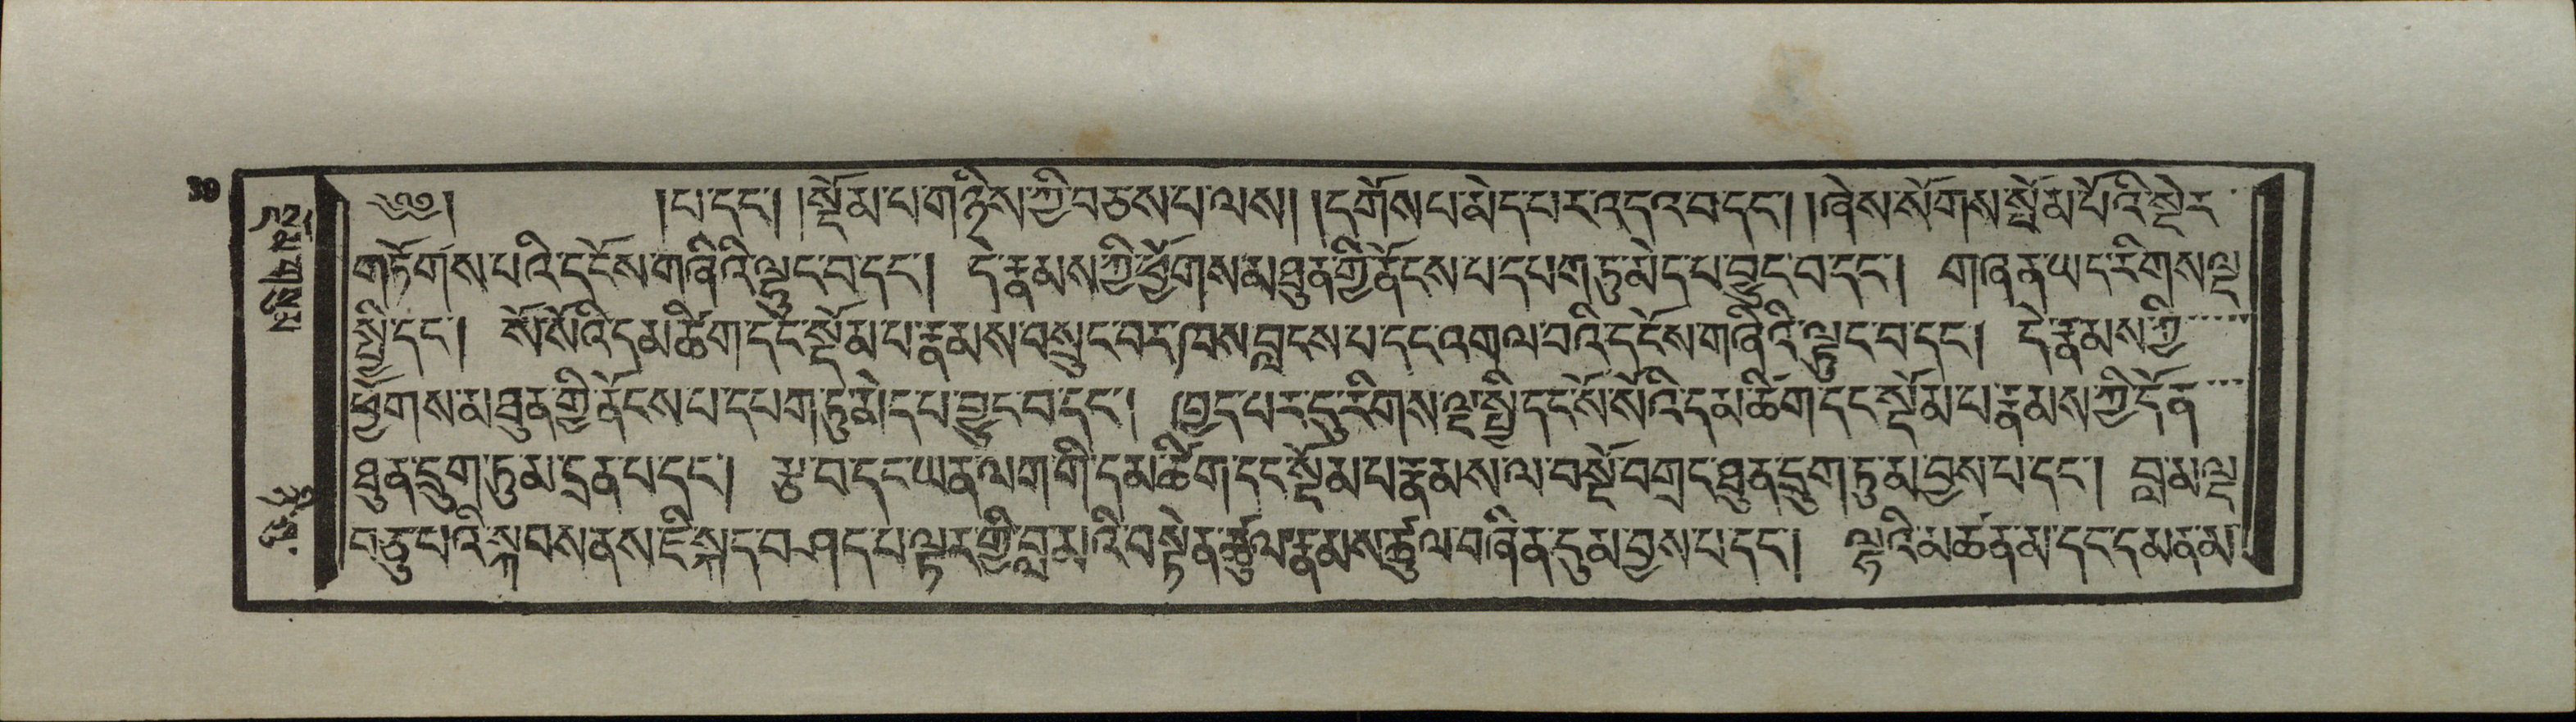༄༅། །པ་དང་། །སྡོམ་པ་གཉིས་ཀྱི་བཅས་པ་ལས། །དགོས་པ་མེད་པར་འདའ་བ་དང་། །ཞེས་སོགས་སྦོམ་པོའི་སྡེར་
གཏོགས་པའི་དངོས་གཞིའི་ལྷུང་བ་དང་། དེ་རྣམས་ཀྱི་ཕྱོགས་མཐུན་གྱི་ནོངས་པ་དཔག་ཏུ་མེད་པ་བྱུང་བ་དང་། གཞན་ཡང་རིགས་ལྔ་
སྤྱི་དང་། སོ་སོའི་དམ་ཚིག་དང་སྡོམ་པ་རྣམས་བསྲུང་བར་ཁས་བླངས་པ་དང་འགལ་བའི་དངོས་གཞིའི་ལྟུང་བ་དང་། དེ་རྣམས་ཀྱི་
ཕྱོགས་མཐུན་གྱི་ནོངས་པ་དཔག་ཏུ་མེད་པ་བྱུང་བ་དང་། ཁྱད་པར་དུ་རིགས་ལྔ་སྤྱི་དང་སོ་སོའི་དམ་ཚིག་དང་སྡོམ་པ་རྣམས་ཀྱི་དོན་
ཐུན་དྲུག་ཏུ་མ་དྲན་པ་དང་། རྩ་བ་དང་ཡན་ལག་གི་དམ་ཚིག་དང་སྡོམ་པ་རྣམས་ལ་བསྔོ་བགྲང་ཐུན་དྲུག་ཏུ་མ་བྱས་པ་དང་། བླ་མ་ལྔ་
བཅུ་པའི་སྐབས་ནས་ཇི་སྐད་བཤད་པ་ལྟར་གྱི་བླ་མའི་བསྟེན་ཚུལ་རྣམས་ཚུལ་བཞིན་དུ་མ་བྱས་པ་དང་། ལྷའི་མཚན་མ་དང་དམན་མ་